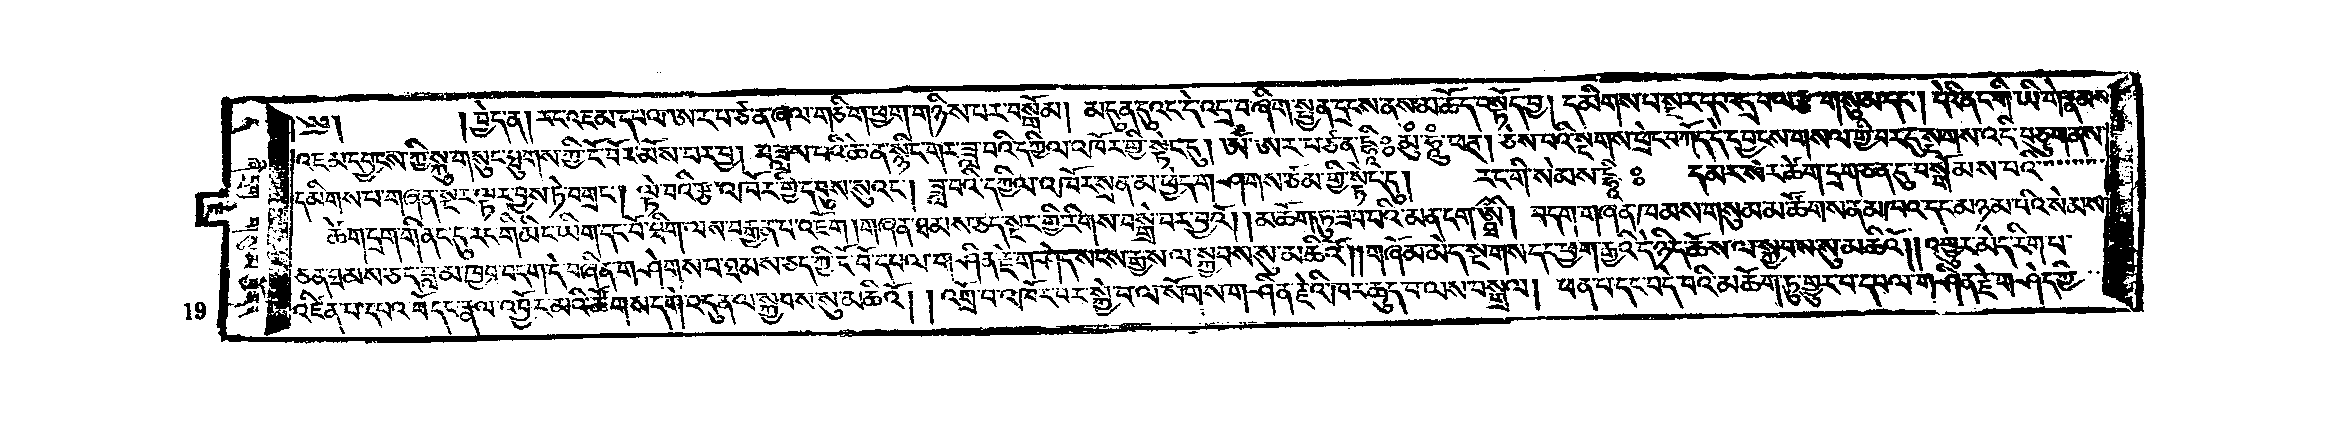༄༅། །བྱེད་ན། རང་འཇམ་དཔལ་ཨ་ར་པ་ཙ་ན་ཞལ་གཅིག་ཕྱག་གཉིས་པར་བསྒོམ། མདུན་དུའང་དེ་འདྲ་བ་ཞིག་སྤྱན་དྲངས་ནས་མཆོད་བསྟོད་བྱ། དམིགས་པ་སྔར་དང་འདྲ་བ་ལ་རྩ་གསུམ་དང་། དེའི་ནང་གི་ཡི་གེ་རྣམས་
འཇམ་དབྱངས་ཀྱི་སྐུ་གསུངས་ཐུགས་ཀྱི་ངོ་བོར་མོས་པར་བྱ། བཟླས་པའི་ཆེ་ན་སྙིང་གར་ཟླ་བའི་དཀྱིལ་འཁོར་གྱི་སྟེང་དུ། ཨོཾ་ཨ་ར་པ་ཙ་ན་དྷཱིཿ མུཾ་ཧཱུཾ་ཕཊ། ཅེས་པའི་སྔགས་ཕྲེང་བཀོད་དེ་དབྱངས་གསལ་གྱི་བར་དུ་སྔགས་འདི་བཅུག་ནས་
དམིགས་པ་གཞན་སྔར་ལྟར་བྱས་ཏེ་བགྲང་། ལྟེ་བའི་རྩ་འཁོར་གྱི་དབུས་སུའང་། ཟླ་བའི་དཀྱིལ་འཁོར་སྲན་མ་ཕྱེད་གཤགས་ཙམ་གྱི་སྟེང་དུ། རང་གི་སེམས་དྷཱིཿ དམར་སེར་ཚེག་དྲག་ཅན་དུ་བསྒོམས་པའི་
ཚེག་དྲག་གི་ནང་དུ་རང་གི་མིང་ཡིག་དང་པོ་ཐིག་ལས་བརྒྱན་པ་འཇོག །གཞན་ཐམས་ཅད་སྔར་གྱི་རིགས་བསྒྲེ་བར་བྱའོ། །མཆོག་ཏུ་ཟབ་པའི་མན་ངག་ཨྀཐི། བདག་གཞན་ཁམས་གསུམ་མ་ཚོགས་ནམ་མཁའ་དང་མཉམ་པའི་སེམས་
ཅན་ཐམས་ཅད་བླ་མ་ཁྱབ་བདག་དེ་བཞིན་གཤེགས་པ་ཐམས་ཅད་ཀྱི་ངོ་བོ་དཔལ་གཤིན་རྗེ་གཤེད་སངས་རྒྱས་ལ་སྐྱབས་སུ་མཆིའོ། །གཞོམ་མེད་སྔགས་དང་ཕྱག་རྒྱའི་དེ་ཉིད་ཆོས་ལ་སྐྱབས་སུ་མཆིའོ། །འགྱུར་མེད་རིག་པ་
འཛིན་པ་དཔའ་བོ་དང་རྣལ་འབྱོར་མའི་ཚོགས་དགེ་འདུན་ལ་སྐྱབས་སུ་མཆིའོ། །འགྲོ་བ་འཁོར་བར་སྐྱེ་བ་ལ་སོགས་གཤིན་རྗེའི་ཁར་ཆུད་པ་ལས་བསྒྲལ། ཕན་པ་དང་བདེ་བའི་མཆོག་ཏུ་གྱུར་པ་དཔལ་གཤིན་རྗེ་གཤེད་ཀྱི་